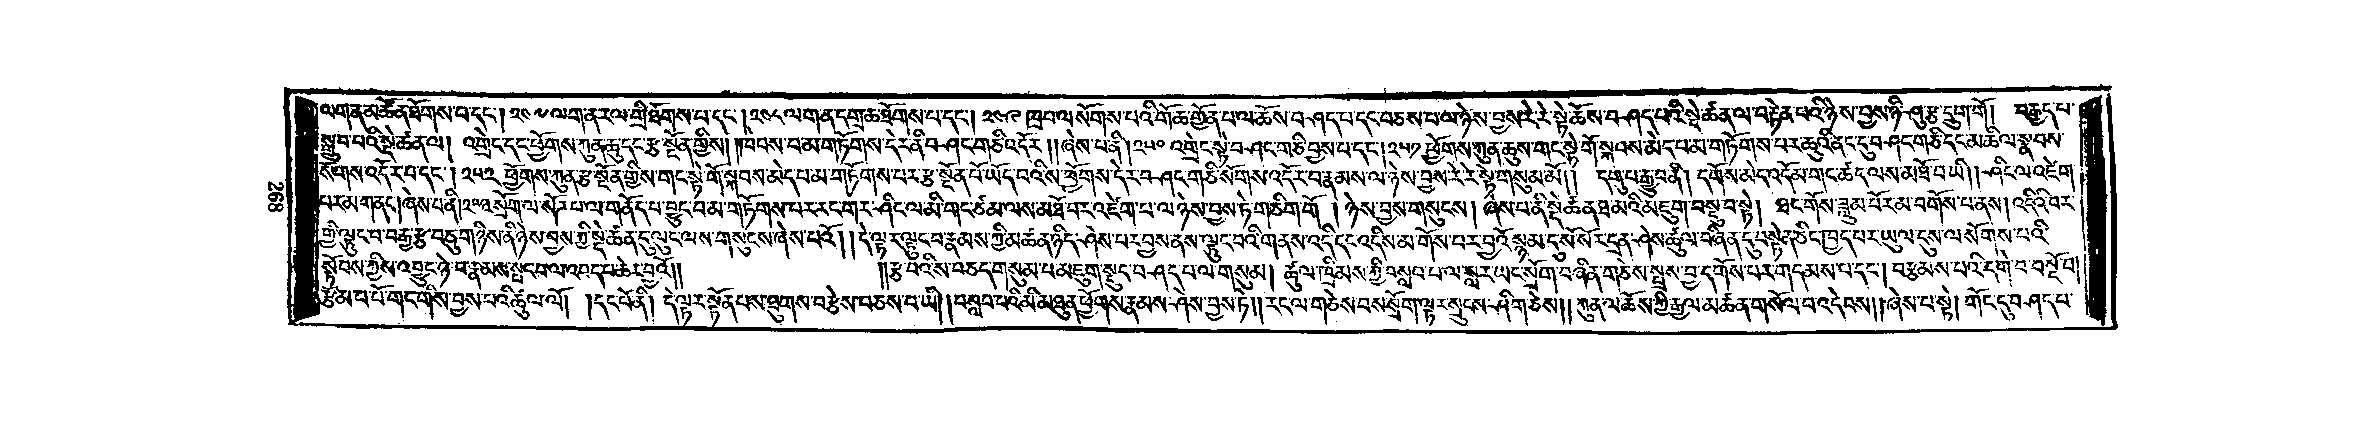ལག་ན་མཚོན་ཐོགས་པ་དང་། ལག་ན་རལ་གྲི་ཐོགས་པ་དང་། ལག་ན་དགྲ་ཆ་ཐོགས་པ་དང་། ཁྲབ་ལ་སོགས་པའི་གོ་ཆ་གྱོན་པ་ལ་ཆོས་བཤད་པ་དང་བཅས་པ་ལ་ཉེས་བྱས་རེ་རེ་སྟེ་ཆོས་བཤད་པའི་སྡེ་ཚན་ལ་བརྟེན་པའི་ཉེས་བྱས་ཉི་ཤུ་རྩ་དྲུག་གོ །བརྒྱད་པ་
སྒྲུབ་པའི་སྡེ་ཚན་ལ། འགྲེང་དང་ཕྱོགས་ཀུན་ཆུ་དང་རྩ་སྔོན་གྱིས། །ཁེབས་པ་མ་གཏོགས་དེར་ནི་བཤང་གཅི་འདོར། །ཞེས་པ་ནི། འགྲེང་སྟེ་བཤང་གཅི་བྱས་པ་དང་། ཕྱོགས་ཀུན་ཆུས་གང་སྟེ་གོ་སྐབས་མེད་པ་མ་གཏོགས་པར་ཆུའི་ནང་དུ་བཤད་གཅི་དང་མཆིལ་སྣབས་
སོགས་འདོར་བ་དང་། ཕྱོགས་ཀུན་རྩ་སྔོན་གྱི་གང་སྟེ་གོ་སྐབས་མེད་པ་མ་གཏོགས་པར་རྩ་སྔོན་པོ་ཡོད་པའི་ས་ཕྱོགས་དེར་བཤང་གཅི་སོགས་འདོར་བ་རྣམས་ལ་ཉེས་བྱས་རེ་རེ་སྟེ་གསུམ་མོ། །དགུ་པ་རྒྱུ་བ་ནི། དགོས་མེད་འདོམ་གང་ཚད་ལས་མཐོ་བ་ཡི། །ཤིང་ལ་འཛེག་
པར་མ་གནང་། ཞེས་པ་ནི། སྲོག་ལ་སོགས་པ་ལ་གནོད་པ་བྱུང་བ་མ་གཏོགས་པར་རང་གར་ཤིང་ལ་མི་གང་ཙམ་ལས་མཐོ་བར་འཛེག་པ་ལ་ཉེས་བྱས་ཏེ་གཅིག་གོ །ཉེས་བྱས་གསུངས། ཞེས་པ་ནི་སྡེ་ཚན་ཐ་མའི་མཇུག་བསྡུ་བ་སྟེ། ཐང་གོས་ཟླུམ་པོར་མ་བགོས་པ་ནས། འདིའི་བར་
གྱི་ལྟུང་བ་བརྒྱ་རྩ་བཅུ་གཉིས་ནི་ཉེས་བྱས་ཀྱི་སྡེ་ཚན་དུ་ལུང་ལས་གསུངས་ཞེས་པའོ། །དེ་ལྟར་ལྟུང་བ་རྣམས་ཀྱི་མཚན་ཉིད་ཤེས་པར་བྱས་ནས་ལྟུང་བའི་གནས་འདི་དང་འདིས་མ་གོས་པར་བྱའོ་སྙམ་དུ་སོ་སོར་དྲན་ཤེས་ཚུལ་བཞིན་དུ་བསྟེན་ཅིང་ཁྱད་པར་ཡུལ་དུས་ལ་སོགས་པའི་
སྟོབས་ཀྱིས་འབྱུང་ཉེ་བ་རྣམས་སྤང་བ་ལ་འབད་པ་ཆེར་བྱའོ།། །།རྩ་བའི་ས་བཅད་གསུམ་པ་མཇུག་སྡུད་བཤད་པ་ལ་གསུམ། ཚུལ་ཁྲིམས་ཀྱི་བསླབ་པ་ལ་སླར་ཡང་སྲོག་བཞིན་གཅེས་སྤྲས་བྱ་དགོས་པར་གདམས་པ་དང་། བརྩམས་པའི་དགེ་བ་བསྔོ་བ།
རྩོམ་པ་པོ་གང་གིས་བྱས་པའི་ཚུལ་ལོ། །དང་པོ་ནི། དེ་ལྟར་སྟོན་པས་ཐུགས་བརྩེས་བཅས་པ་ཡི། །བསླབ་པའི་མི་མཐུན་ཕྱོགས་རྣམས་ཤེས་བྱས་ཏེ། །རང་ལ་གཅེས་བས་སྲོག་ལྟར་སྲུངས་ཤིག་ཅེས། །ཀུན་ལ་ཆོས་ཀྱི་རྒྱལ་མཚན་གསོལ་བ་འདེབས། །ཞེས་པ་སྟེ། གོང་དུ་བཤད་པ་